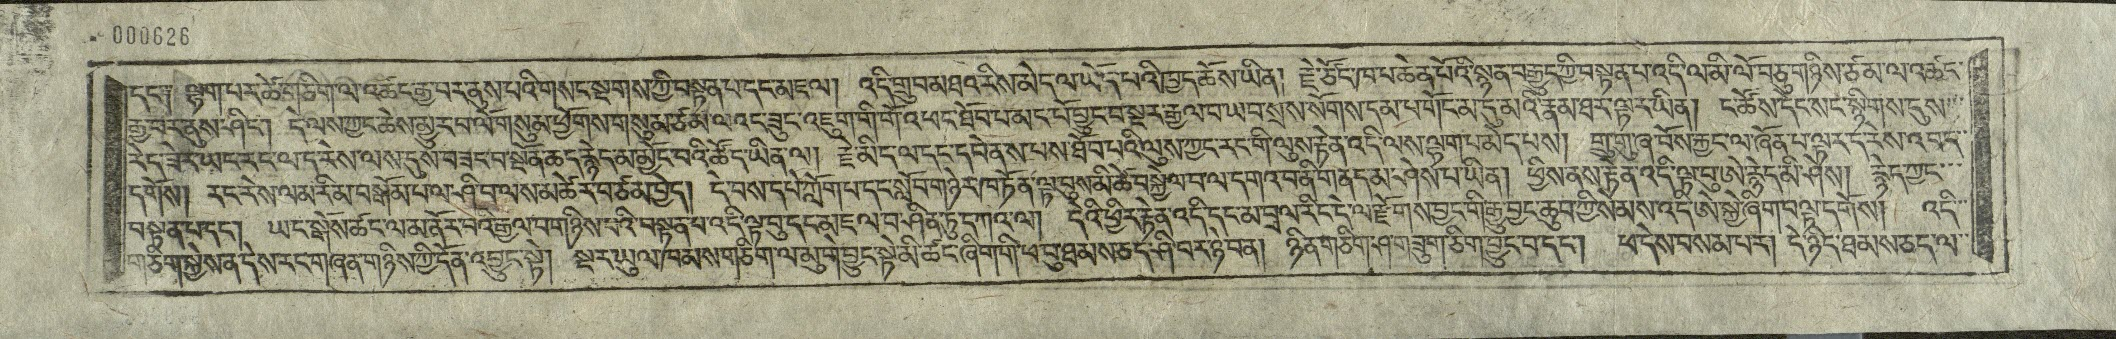དང༑ ལྷག་པར་ཚེ་གཅིག་ལ་འཚང་རྒྱ་བར་ནུས་པའི་གསང་སྔགས་ཀྱི་བསྟན་པ་དང་མཇལ། འདི་གྲུབ་མཐའ་རིས་མེད་ལ་ཡོད་པའི་ཁྱད་ཆོས་ཡིན། རྗེ་ཙོང་ཁ་པ་ཆེན་པོའི་སྙན་བརྒྱུད་ཀྱི་བསྟན་པ་འདི་ལ་མི་ལོ་བཅུ་གཉིས་ཙམ་ལ་འཚང་
རྒྱ་བར་ནུས་ཤིང་། དེ་ལས་ཀྱང་ཆེས་མྱུར་བ་ལོ་གསུམ་ཕྱོགས་གསུམ་ཙམ་ལའང་ཟུང་འཇུག་གི་གོ་འཕང་ཐོབ་པ་མང་པོ་བྱུང་བ་སྔར་རྒྱལ་བ་ཡབ་སྲས་སོགས་དམ་པ་གོང་མ་དུ་མའི་རྣམ་ཐར་ལྟར་ཡིན། ང་ཚོས་དེང་སང་སྙིགས་དུས་
རེད་ཟེར་ཡང་རང་ལ་ད་རེས་ལས་དུས་བཟང་བ་སྔོན་ཆད་རྙེད་མ་མྱོང་བའི་ཚོད་ཡིན་ལ། རྗེ་མིད་ལ་དང་དབེན་ས་བས་ཐོབ་པའི་ལུས་ཀྱང་རང་གི་ལུས་རྟེན་འདི་ལས་ལྷག་པ་མེད་པས། གྲུ་གུ་ཞ་བོས་རྐྱང་ལ་ཞོན་པ་ལྟར་ད་རེས་འབད་
དགོས། རང་རེས་ལམ་རིམ་བསྒོམ་པ་ལ་ཤི་བ་ལས་མཚེར་བ་ཙམ་བྱེད། དེ་བས་དཔེ་ཀློག་པ་དང་སློབ་གཉེར་ཁ་ཏོན་ལྟ་བུས་མི་ཚེ་བསྐྱེལ་བ་ལ་དགའ་བ་ནི་གནད་མ་ཤེས་པ་ཡིན། ཕྱིས་ནས་རྟེན་འདི་ལྟ་བུ་ཨེ་རྙེད་མི་ཤེས། རྙེད་ཀྱང་
བསྟན་པ་དང་། ཡང་སྒོས་ཚང་ལ་མ་ནོར་བའི་རྒྱལ་བ་གཉིས་པའི་བསྟན་པ་འདི་ལྟ་བུ་དང་མཇལ་བ་ཤིན་ཏུ་དཀའ་ལ། དེའི་ཕྱིར་རྟེན་འདི་དང་མ་བྲལ་རིང་དེ་ལ་རྫོགས་བྱང་གི་རྒྱུ་བྱང་ཆུབ་ཀྱི་སེམས་འདི་ཨེ་སྐྱེ་ཞིག་བལྟ་དགོས། འདི་
གཅིག་སྐྱེས་ན་དེས་རང་གཞན་གཉིས་ཀྱི་དོན་འབྱུང་སྟེ། སྔར་ཡུལ་ཁམས་གཅིག་ལ་མུ་གེ་བྱུང་སྟེ་མི་ཚང་ཞིག་གི་ཕ་བུ་ཐམས་ཅད་ཤི་བར་ཉེ་བ་ན། ཉིན་གཅིག་ཤ་གཟུག་ཅིག་བྱུང་བ་དང་། ཕ་དེས་བསམ་པར། དེ་ཉིད་ཐམས་ཅད་ལ་